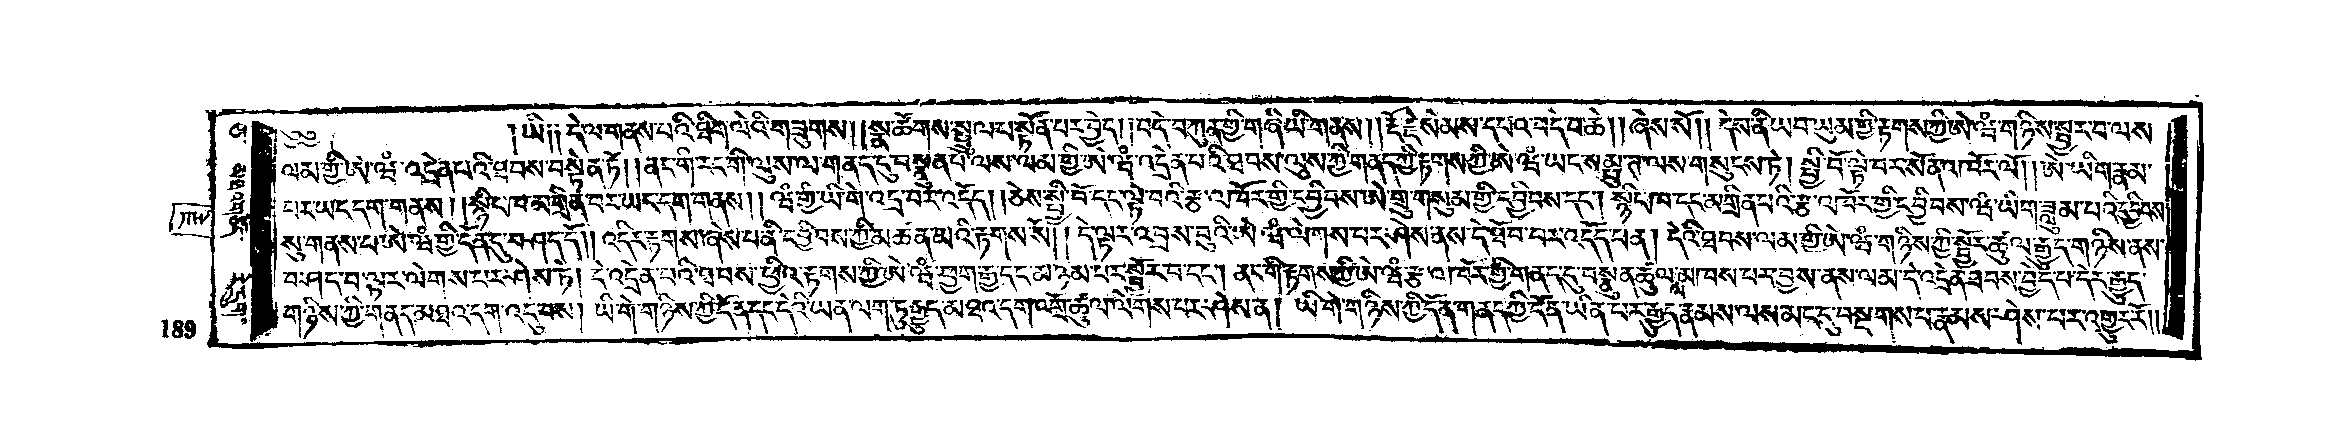༄༅། །ཡི༑ ༑དེ་ལ་གནས་པའི་ཐིག་ལེའི་གཟུགས། །སྣ་ཚོགས་སྤྲུལ་པ་སྟོན་པར་བྱེད། །བདེ་བ་ཀུན་གྱི་གཞི་ཡི་གནས། །རྡོ་རྗེ་སེམས་དཔའ་བདེ་བ་ཆེ། །ཞེས་སོ། །དེས་ནི་ཡབ་ཡུམ་གྱི་རྟགས་ཀྱི་ཨེ་ཝཾ་གཉིས་སྦྱར་བ་ལས་
ལམ་གྱི་ཨེ་ཝཾ་འདྲེན་པའི་ཐབས་བསྟེན་ཏོ། །ནང་གི་རང་གི་ལུས་ལ་གནད་དུ་བསྣུན་པ་ལས་ལམ་གྱི་ཨེ་ཝཾ་འདྲེན་པའི་ཐབས་ལུས་ཀྱི་གནད་ཀྱི་རྟགས་ཀྱི་ཨེ་ཝཾ་ཡང་སམྦུ་ཊ་ལས་གསུངས་ཏེ། སྤྱི་བོ་ལྟེ་བར་སོན་འཁོར་ལོ། །ཨེ་ཡིག་རྣམ་
པར་ཡང་དག་གནས། །སྙིང་ཁ་མགྲིན་པར་ཡང་དག་གནས། །ཝཾ་གྱི་ཡི་གེ་འདྲ་བར་འདོད། །ཅེས་སྤྱི་བོ་དང་ལྟེ་བའི་རྩ་འཁོར་གྱི་དབྱིབས་ཨེ་གྲུ་གསུམ་གྱི་དབྱིབས་དང་། སྙིང་ཁ་དང་མགྲིན་པའི་རྩ་འཁོར་གྱི་དབྱིབས་ཝཾ་ཡིག་ཟླུམ་པའི་དབྱིབས་
སུ་གནས་པ་ཨེ་ཝཾ་གྱི་དོན་དུ་བཤད་དོ། །འདིར་རྟགས་ཞེས་པ་ནི་དབྱིབས་ཀྱི་མཚན་མའི་རྟགས་སོ། །དེ་ལྟར་འབྲས་བུའི་ཨེ་ཝཾ་ལེགས་པར་ཤེས་ནས་དེ་ཐོབ་པར་འདོད་པ་ན། དེའི་ཐབས་ལམ་གྱི་ཨེ་ཝཾ་གཉིས་ཀྱི་སྦྱོར་ཚུལ་རྒྱུད་གཉིས་ནས་
བ་ཤད་བ་ལྟར་ལེགས་པར་ཤེས་ཏེ། དེ་འདྲེན་པའི་ཐབས་ཕྱིའི་རྟགས་ཀྱི་ཨེ་ཝཾ་ཕྱག་རྒྱ་དང་མཉམ་པར་སྦྱོར་བ་དང་། ནང་གི་རྟགས་ཀྱི་ཨེ་ཝཾ་རྩ་འཁོར་གྱི་གནད་དུ་བསྣུན་ཚུལ་ལ་མཁས་པར་བྱས་ནས་ལམ་དེ་འདྲེན་ཐབས་བྱེད་པ་དེར་རྒྱུད་
གཉིས་ཀྱི་གནད་མཐའ་དག་འདུ་བས། ཡི་གེ་གཉིས་ཀྱི་དོན་དང་དེའི་ཡན་ལག་ཏུ་རྒྱུད་མཐའ་དག་འགྲོ་ཚུལ་ལེགས་པར་ཤེས་ན། ཡི་གེ་གཉིས་ཀྱི་དོན་གནད་ཀྱི་དོན་ཡིན་པར་རྒྱུད་རྣམས་ལས་མང་དུ་བསྔགས་པ་རྣམས་ཤེས་པར་འགྱུར་རོ། །